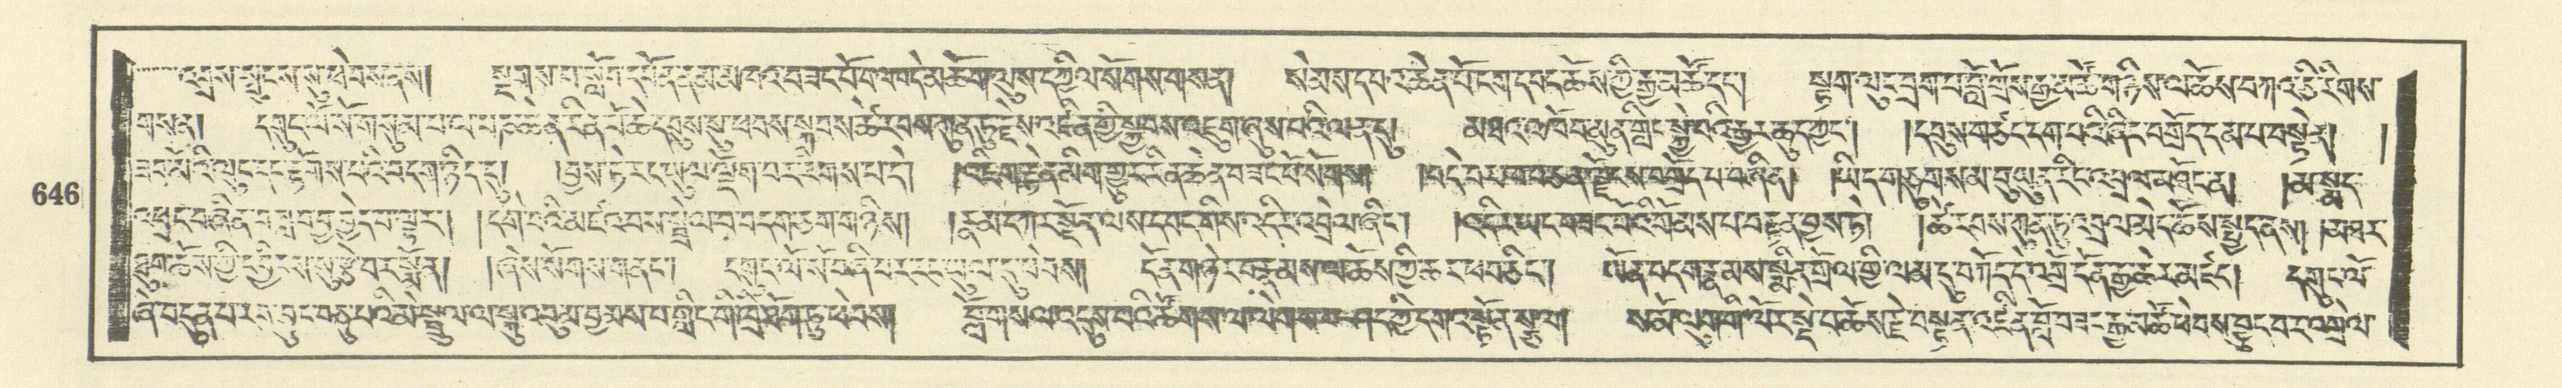འབྲས་སྤུངས་སུ་ཕེབས་ནས། སྔགས་པ་སློབ་དཔོན་ནམ་མཁའ་བཟང་པོ་བ་ལ་བདེ་མཆོག་ལུས་དཀྱིལ་སོགས་གསན། སེམས་དཔའ་ཆེན་པོ་ངག་དབང་ཆོས་ཀྱི་རྒྱ་མཚོ་དང་། སྟག་ལུང་བྲག་པ་བློ་གྲོས་རྒྱ་མཚོ་གཉིས་ལ་ཆོས་བཀའ་ཅི་རིགས་
གསན། དགུང་ལོ་སོ་གསུམ་པ་ལ་པཎ་ཆེན་རིན་པོ་ཆེ་དབུས་སུ་ཕབས་སྐབས་ཚེ་རབས་ཀུན་ཏུ་རྗེས་འཛིན་གྱི་སྐྱབས་འཇུག་ཞུས་པའི་ལན་དུ། མཐའ་འཁོབ་མུན་གླིང་སྐྱེ་བའི་རྒྱར་ཆུད་ཀྱང་། །དབུས་གཙང་དག་བའི་ཞིང་བགྲོད་དམ་པ་བསྟེན། །
ཟབ་མོའི་ལུང་དང་རྟོགས་པའི་བདག་ཉིད་དུ། །བྱས་ཏེ་རང་ཡུལ་ལྡོག་པར་རིགས་པ་དེ། །འཇིག་རྟེན་མིག་གྱུར་རིན་ཆེན་བཟང་པོ་སོགས། །བདེ་བར་ཁ་བ་ཅན་ལྗོངས་བགྲོད་པ་བཞིན། །ཡིད་གཅུགས་མ་བུ་ཡུན་རིང་འབྲལ་མཐོང་ན། །མ་སྨད་
འཕྲང་བཞིན་བསླབ་བྱ་བྱེད་པ་ལྟར། །དགེ་བའི་མཛའ་བས་སྦྲེལ་བ་བདག་ཅག་གཉིས། །རྣམ་དཀར་སྔོན་ལས་དབང་གིས་འདིར་འབྲེལ་ཞིང་། །འདིར་ཡང་བཟང་བོའི་གོམས་པ་བརྟན་བྱས་ཏེ། །ཚེ་རབས་ཀུན་ཏུ་འབྲལ་མེད་ཆོས་སྤྱད་ནས། །མཐར་
ཐུག་ཆོས་ཀྱི་དབྱིངས་སུ་རྩེ་བར་སྨོན། །ཞེས་སོགས་གནང་། དགུང་ལོ་སོ་བཞི་པར་རང་ཡུལ་དུ་ཕེབས། དོན་གཉེར་བ་རྣམས་ལ་ཆོས་ཀྱི་ཆར་ཕབ་ཅིང་། ཡོན་བདག་རྣམས་སྨིན་གྲོལ་གྱི་ལམ་དུ་བཀོད་དེ་འགྲོ་དོན་རྒྱ་ཆེར་མཛད། དགུང་ལོ་
ཞེ་བདུན་པ་རབ་བྱུང་བཅུ་པའི་མེ་སྤྲུལ་ལ་སྐུ་འབུམ་བྱམས་པ་གླིང་གི་ཁྲི་ཐོག་ཏུ་ཕེབས། བློ་གསལ་འདུས་པའི་ཚོགས་ལ་ལེགས་བཤད་ཀྱི་དགའ་སྟོན་སྩལ། ས་མོ་ལུག་གི་ལོར་སྡེ་པ་ཆོས་རྗེ་བསྟན་འཛིན་བློ་བཟང་རྒྱ་མཚོ་ཕེབས་བྱུང་བར་འགྲེལ་